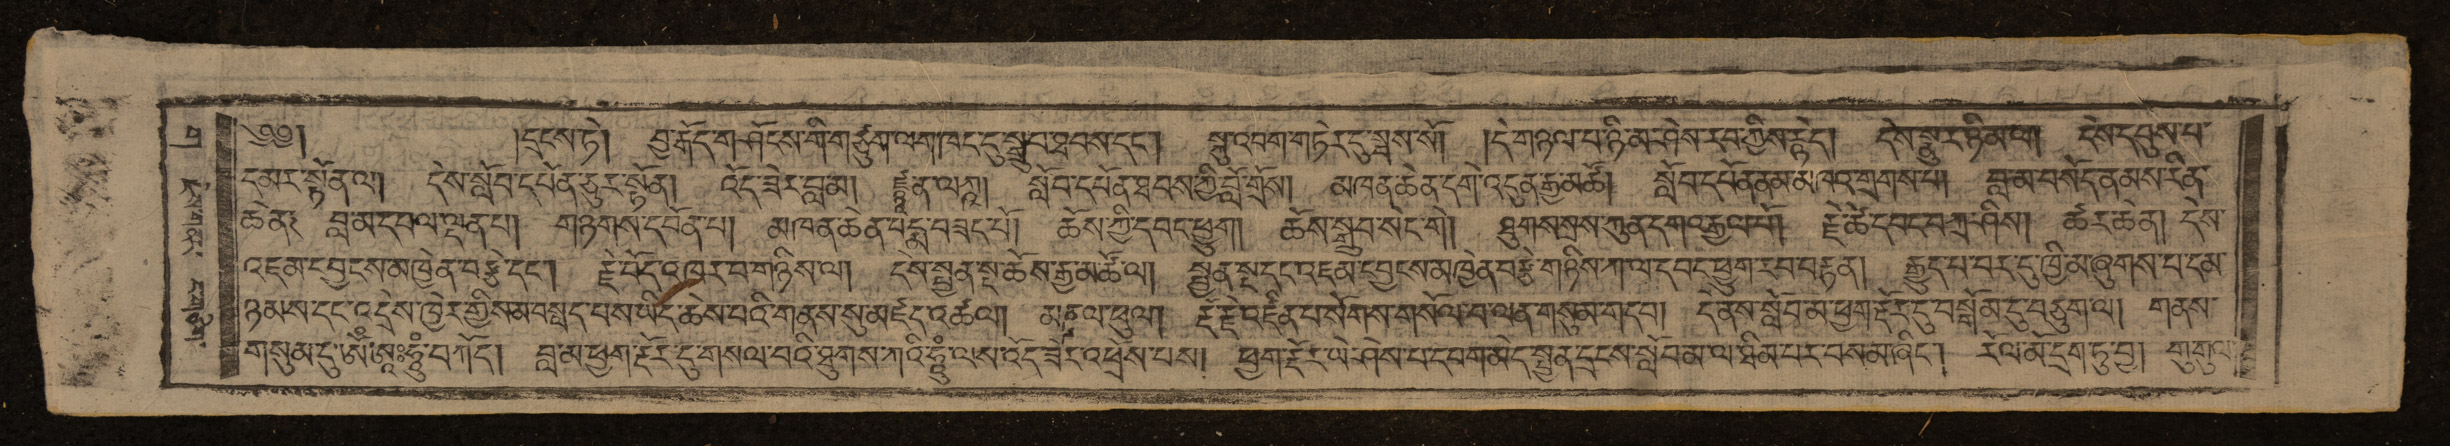༄༅། །དྲངས་ཏེ། བྱ་རྒོད་གཤོངས་གི་གཙུག་ལག་ཁང་དུ་སྒྲུབ་ཐབས་དང་། སྐུ་འབག་གཏེར་དུ་སྦས་སོ། །དེ་གཉལ་བ་ཉི་མ་ཤེས་རབ་ཀྱིས་རྙེད། དེས་སྣུར་ཉི་མ་ལ། དེས་དབུས་པ་
དམར་སྟོན་ལ། དེས་སློབ་དཔོན་ཅུར་སྟོན། འོད་ཟེར་བླ་མ། ཛྙཱ་ན་ལཀྵ། སློབ་དཔོན་ཐབས་ཀྱི་བློ་གྲོས། མཁན་ཆེན་དགེ་འདུན་རྒྱ་མཚོ། སློབ་དཔོན་ནམ་མཁའ་གྲགས་པ། བླ་མ་བསོད་ནམས་རིན་
ཚན༑ བླ་མ་དཔལ་ལྡན་པ། གཉགས་དབོན་པ། མཁན་ཆེན་པདམ་བཟང་པོ། ཆོས་ཀྱི་དབང་ཕྱུག། ཆོས་སྒྲུབ་སེང་གེ། ཐུགས་སྲས་ཀུན་དགའ་རྒྱལ་པོ། རྗེ་ཚེ་དབང་བཀྲ་ཤིས། ཚར་ཆེན། དེས་
འཇམ་དབྱངས་མཁྱེན་བརྩེ་དང་། རྗེ་བོད་འཁར་བ་གཉིས་ལ། དེས་སྤྱན་སྔ་ཆོས་རྒྱ་མཚོ་ལ། སྤྱན་སྔ་དང་འཇམ་དབྱངས་མཁྱེན་བརྩེ་གཉིས་ཀ་ལ་དབང་ཕྱུག་རབ་བརྟན། རྒྱུད་པ་བར་དུ་ཁྱི་མ་ཞུགས་པ་དམ་
ཉམས་དང་འདྲེས་ཁྱེར་གྱིས་མ་བསླད་པས་ཡིད་ཆེས་པའི་གནས་སུ་མཛད་འཚལ། མཎྜལ་ཕུལ། རྡོ་རྗེ་འཛིན་པ་སོགས་གསོལ་བ་ལན་གསུམ་གདབ། དེ་ནས་སློབ་མ་ཕྱག་རྡོར་དུ་བསྒོམ་དུ་བཅུག་ལ། གནས་
གསུམ་དུ་ཨོཾ་ཨཱཿཧཱུཾ་བཀོད། བླ་མ་ཕྱག་རྡོར་དུ་གསལ་བའི་ཐུགས་ཀའི་ཧཱུཾ་ལས་འོད་ཟེར་འཕྲོས་པས། ཕྱག་རྡོར་ཡེ་ཤེས་པ་དཔག་མེད་སྤྱན་དྲངས་སློབ་མ་ལ་ཐིམ་པར་བསམ་ཞིང་། རོལ་མོ་དྲག་ཏུ་བྱ། གུ་གུལ་